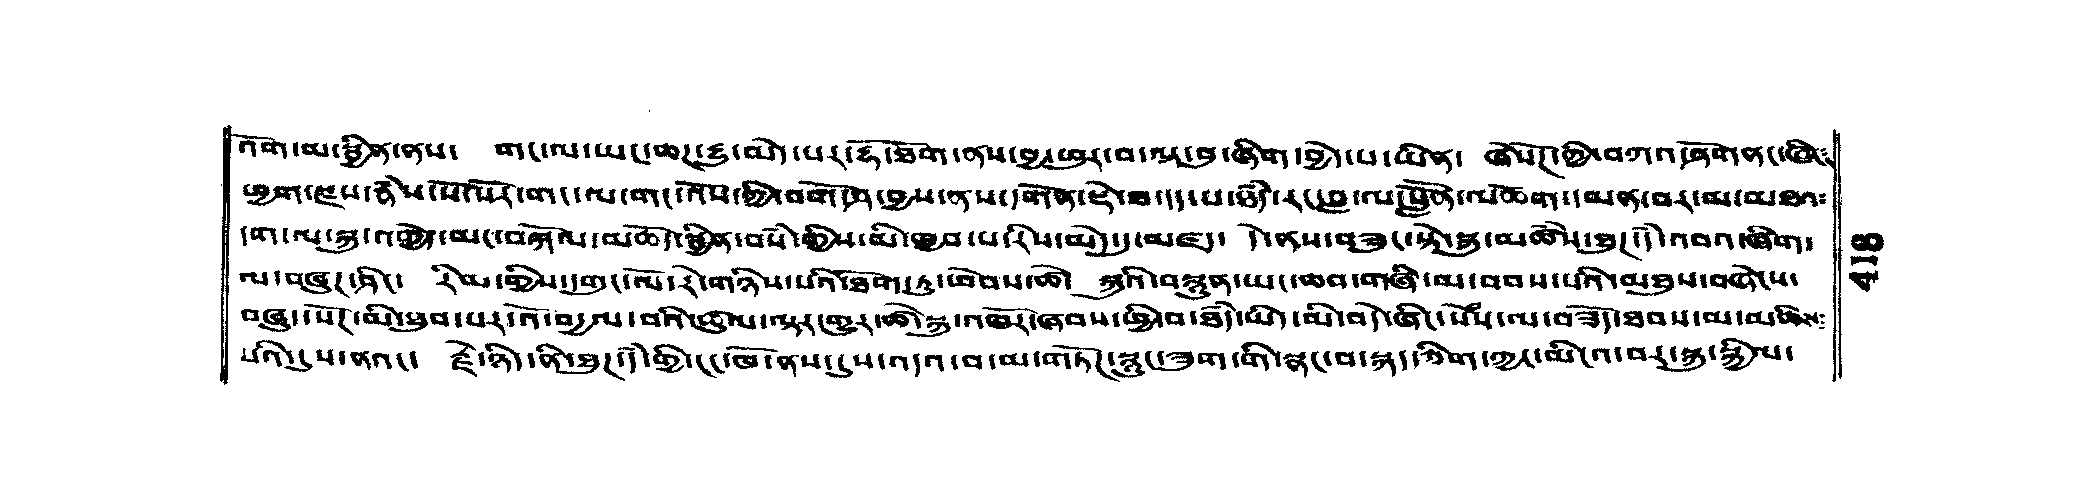འོག་མ་སྦྱིན་ནས། གང་ལ་ཡང་ཆགས་རྒྱུ་མེད་པར་རྡོ་ཐོག་ནས་བྱ་ཕུར་བ་ལྟ་བུ་ཞིག་བྱེད་པ་ཡིན། ཞེས་སོགས་ཀྱི་བཀའ་ཤོག་གནང་ཞིང་
ཕྱག་རྫས་རྣམས་སོ་སོར་གང་ལ་གང་འོས་ཀྱི་བགོ་ཤ་བྱས་ནས་དགོན་སྡེ་ཐ་དད་པ་ཐམས་ཅད་དང་བླ་མ་སློབ་དཔོན་མཆོག་དམན་བར་མ་མཐའ་
དག་ལ་སྐུ་འགྱེད་མང་བསྐོལ་མཆོད་སྦྱིན་བསམ་གྱིས་མི་ཁྱབ་པ་རིས་མེད་དུ་མཛད། དེ་ནས་བཟུང་སྟེ་སྐུ་མཚམས་ཐུགས་དམ་འབའ་ཞིག་
ལ་བཞུགས་ཤིང་། རིམ་གྱིས་དགུང་ལོ་རེ་གཉིས་པའི་ཐོག་ཏུ་ཕེབས་ཚེ། སྐུའི་བསྙུན་ཡང་ཆབ་གཞི་མ་བབས་པའི་མཐུས་བཞེངས་
བཞུགས་སོགས་མི་ཐུབ་པར་འོ་བརྒྱལ་བའི་ཚུལ་ལྟར་གྱུར་ཚེ་སྐུ་འཁོར་ཞབས་ཕྱི་བ་ཐམས་ཅད་ཡིད་མི་བདེ་ཞིང་སེམས་ལ་བཟོད་ཐབས་མ་མཆིས་
པའི་དུས་ནའང་། རྗེ་ཉིད་ནི་ཐུགས་དམ་གྱི་ངང་ཁོ་ནས་དུས་འདའ་བ་མ་གཏོགས་སྙུང་ཟུག་གི་སྣང་བ་སྐད་ཅིག་ཀྱང་མི་མངའ་བར་སྐུ་སྐྱིལ་